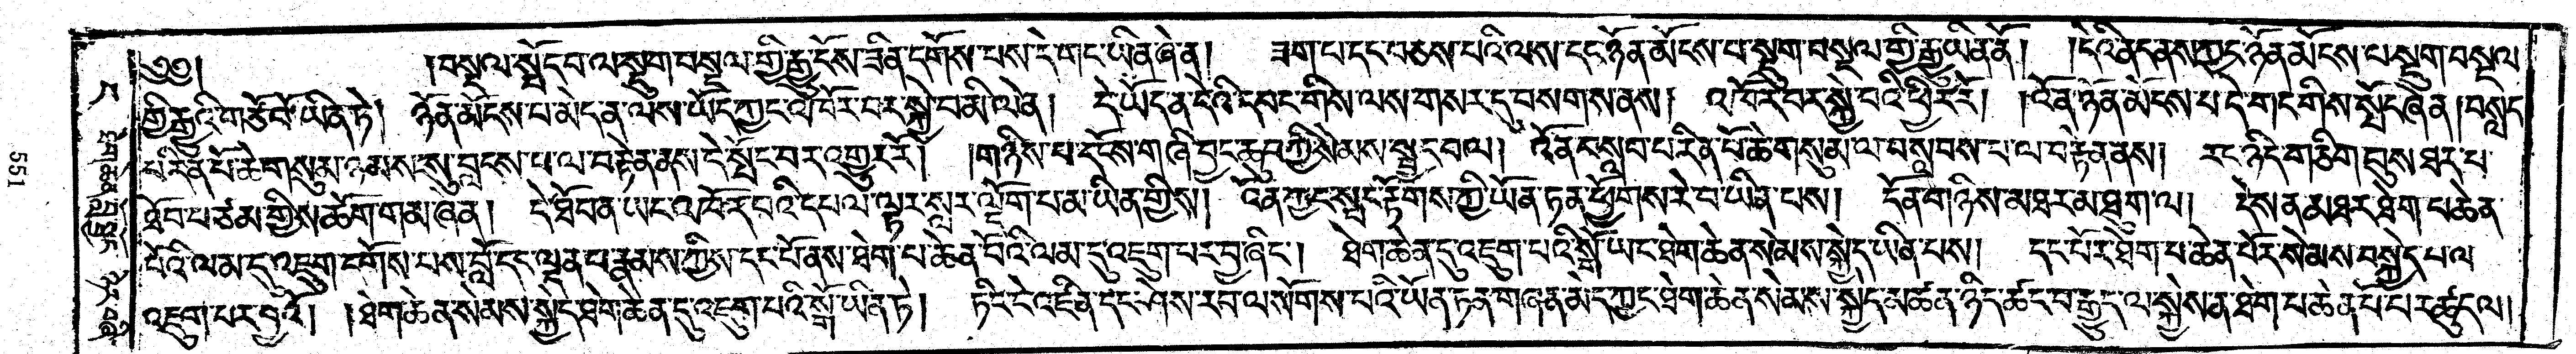༄༅། །བསྔལ་སྤོང་བ་ལ་སྡུག་བསྔལ་གྱི་རྒྱུ་ངོས་ཟིན་དགོས་པས་དེ་གང་ཡིན་ཞེ་ན། ཟག་པ་དང་བཅས་པའི་ལས་དང་ཉོན་མོངས་པ་སྡུག་བསྔལ་གྱི་རྒྱུ་ཡིན་ནོ། །དེའི་ནང་ནས་ཀྱང་ཉོན་མོངས་པ་སྡུག་བསྔལ་
གྱི་རྒྱུའི་གཙོ་བོ་ཡིན་ཏེ། ཉོན་མོངས་པ་མེད་ན་ལས་ཡོད་ཀྱང་འཁོར་བར་སྐྱེ་བ་མི་ལེན། དེ་ཡོད་ན་དེའི་དབང་གིས་ལས་གསར་དུ་བསགས་ནས། འཁོར་བར་སྐྱེ་བའི་ཕྱིར་རོ། །འོ་ན་ཉོན་མོངས་པ་དེ་གང་གིས་སྤོང་ཞེན། བསླང་
པ་རིན་པོ་ཆེ་གསུམ་ཉམས་སུ་བླངས་པ་ལ་བརྟེན་ནས་དེ་སྤོང་བར་འགྱུར་རོ། །གཉིས་པ་དངོས་གཞི་བྱང་ཆུབ་ཀྱི་སེམས་སྦྱང་བ་ལ། འོན་བསླབ་པ་རིན་པོ་ཆེ་གསུམ་ལ་བསླབས་པ་ལ་བརྟེན་ནས། རང་ཉིད་གཅིག་བུས་ཐར་པ་
ཐོབ་པ་ཙམ་གྱིས་ཆོག་གམ་ཞེ་ན། དེ་ཐོབ་ན་ཡང་འཁོར་བའི་དཔལ་ལྟར་སླར་ལྡོག་པ་མ་ཡིན་གྱིས། འོན་ཀྱང་སྤང་རྟོགས་ཀྱི་ཡོན་ཏན་ཕྱོགས་རེ་བ་ཡིན་པས། དོན་གཉིས་མཐར་མ་ཐུག་ལ། དེས་ན་མཐར་ཐེག་པ་ཆེན་
པོའི་ལམ་དུ་འཇུག་དགོས་པས་བློ་དང་ལྡན་པ་རྣམས་ཀྱིས་དང་པོ་ནས་ཐེག་པ་ཆེན་པོའི་ལམ་དུ་འཇུག་པར་བྱ་ཞིང་། ཐེག་ཆེན་དུ་འཇུག་པའི་སྒོ་ཡང་ཐེག་ཆེན་སེམས་སྐྱེད་ཡིན་པས། དང་པོར་ཐེག་པ་ཆེན་པོར་སེམས་བསྐྱེད་པ་ལ་
འཇུག་པར་བྱའོ། །ཐེག་ཆེན་སེམས་སྐྱེད་ཐེག་ཆེན་དུ་འཇུག་པའི་སྒོ་ཡིན་ཏེ། ཏིང་ངེ་འཛིན་དང་ཤེས་རབ་ལ་སོགས་པའི་ཡོན་ཏན་གཞན་མེད་ཀྱང་ཐེག་ཆེན་སེམས་སྐྱེད་མཚན་ཉིད་ཚང་བ་རྒྱུད་ལ་སྐྱེས་ན་ཐེག་པ་ཆེན་པོ་བར་ཚུད་ལ།